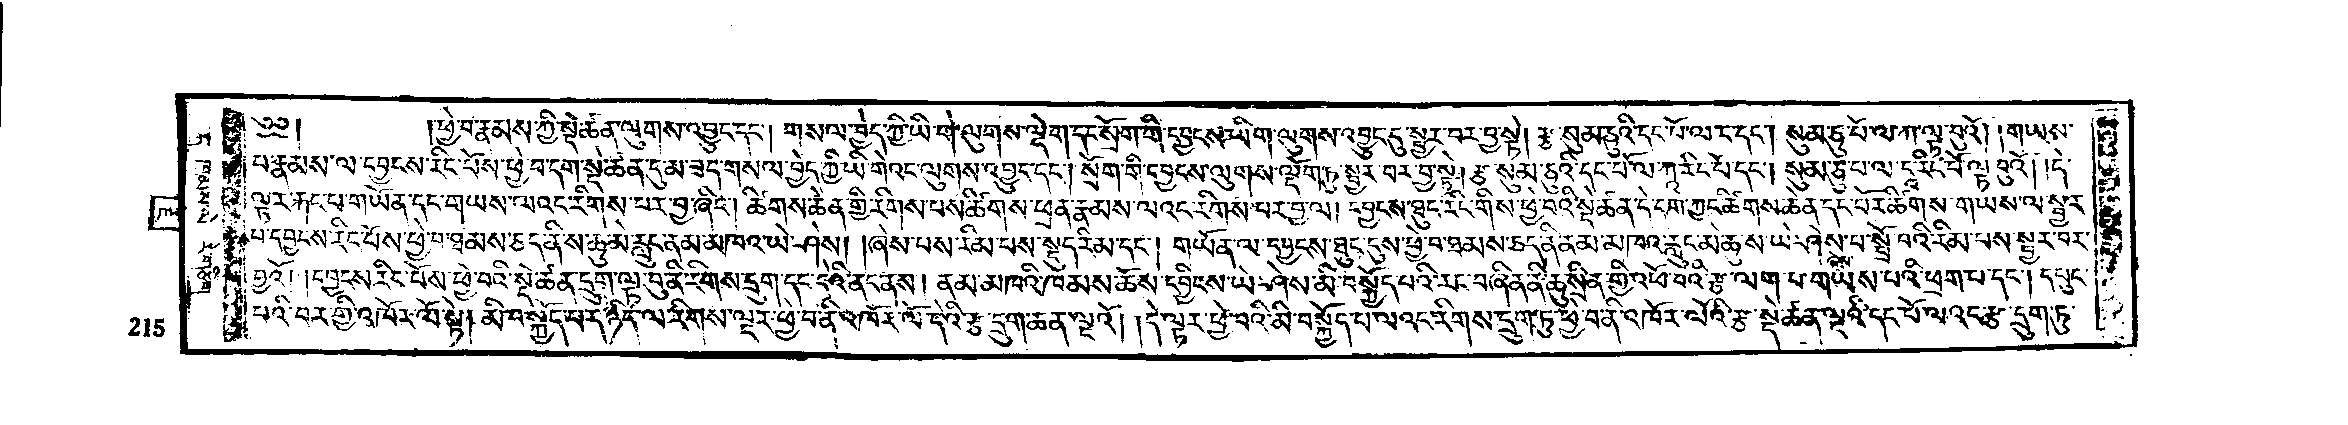༄༅། །ཕྱེ་བ་རྣམས་ཀྱི་སྡེ་ཚན་ལུགས་འབྱུང་དང་། གསལ་བྱེད་ཀྱི་ཡི་གེ་ལུགས་ལྡེག་དང་སྲོག་གི་དབྱངས་ཡིག་ལུགས་འབྱུང་དུ་སྦྱར་བར་བྱ་སྟེ། རྩ་སུམ་ཅུའི་དང་པོ་ལ་ང་དང་། སུམ་ཅུ་པོ་ལ་ཀ་ལྟ་བུའོ། །གཡས་
པ་རྣམས་ལ་དབྱངས་རིང་པོས་ཕྱེ་བ་དག་སྡེ་ཚན་དུ་མ་ཟད་གསལ་བྱེད་ཀྱི་ཡི་གེའང་ལུགས་འབྱུང་དང་། སྲོག་གི་དབྱངས་ལུགས་ལྡོག་ཏུ་སྦྱར་བར་བྱ་སྟེ། རྩ་སུམ་ཅུའི་དང་པོ་ལ་ཀཱ་རིང་པོ་དང་། སུམ་ཅུ་པ་ལ་དཱ་རིང་པོ་ལྟ་བུའོ། །དེ་
ལྟར་རྐང་པ་གཡོན་དང་གཡས་ལའང་རིགས་པར་བྱ་ཞིང་། ཚིགས་ཆེན་གྱི་རིགས་པས་ཚིགས་ཕྲན་རྣམས་ལའང་རིགས་པར་བྱ་ལ། དབྱངས་ཐུང་རིང་གིས་ཕྱེ་བའི་སྡེ་ཚན་དེ་དག་ཀྱང་ཚིགས་ཆེན་དང་པོར་ཚིགས་གཡས་ལ་སྦྱར་
པ་དབྱངས་རིང་པོས་ཕྱེ་བ་ཐམས་ཅད་ནི་ས་ཆུ་མེ་རླུང་ནམ་མཁའ་ཡེ་ཤེས། །ཞེས་པས་རིམ་པས་སྡུད་རིམ་དང་། གཡོན་ལ་དབྱངས་ཐུང་དུས་ཕྱེ་བ་ཐམས་ཅད་ནི་ནམ་མཁའ་རླུང་མེ་ཆུ་ས་ཡེ་ཤེས་པ་སྤྲོ་བའི་རིམ་པས་སྦྱར་བར་
བྱའོ། །དབྱངས་རིང་པོས་ཕྱེ་བའི་སྡེ་ཚན་དྲུག་ལྟ་བུ་ནི་རིགས་དྲུག་དང་དེའི་ནང་ནས། ནམ་མཁའི་ཁམས་ཆོས་དབྱིངས་ཡེ་ཤེས་མི་བསྐྱོད་པའི་རང་བཞིན་ནི་ཆུ་སྲིན་གྱི་འཕོ་བའི་རྩ་ལག་པ་གཡས་པའི་ཕྲག་པ་དང་། དཔུང་
པའི་བར་གྱི་འཁོར་ལོ་སྟེ། མི་བསྐྱོད་པར་དེ་ཉིད་ལ་རིགས་ལྔར་ཕྱེ་བ་ནི་འཁོར་ལོ་དེའི་རྩ་དྲུག་ཆན་ལྔའོ། །དེ་ལྟར་ཕྱེ་བའི་མི་བསྐྱོད་པ་ལའང་རིགས་དྲུག་ཏུ་ཕྱེ་བ་ནི་འཁོར་ལོའི་རྩ་སྡེ་ཚན་ལྔའི་དང་པོ་ལའང་རྩ་དྲུག་ཏུ་